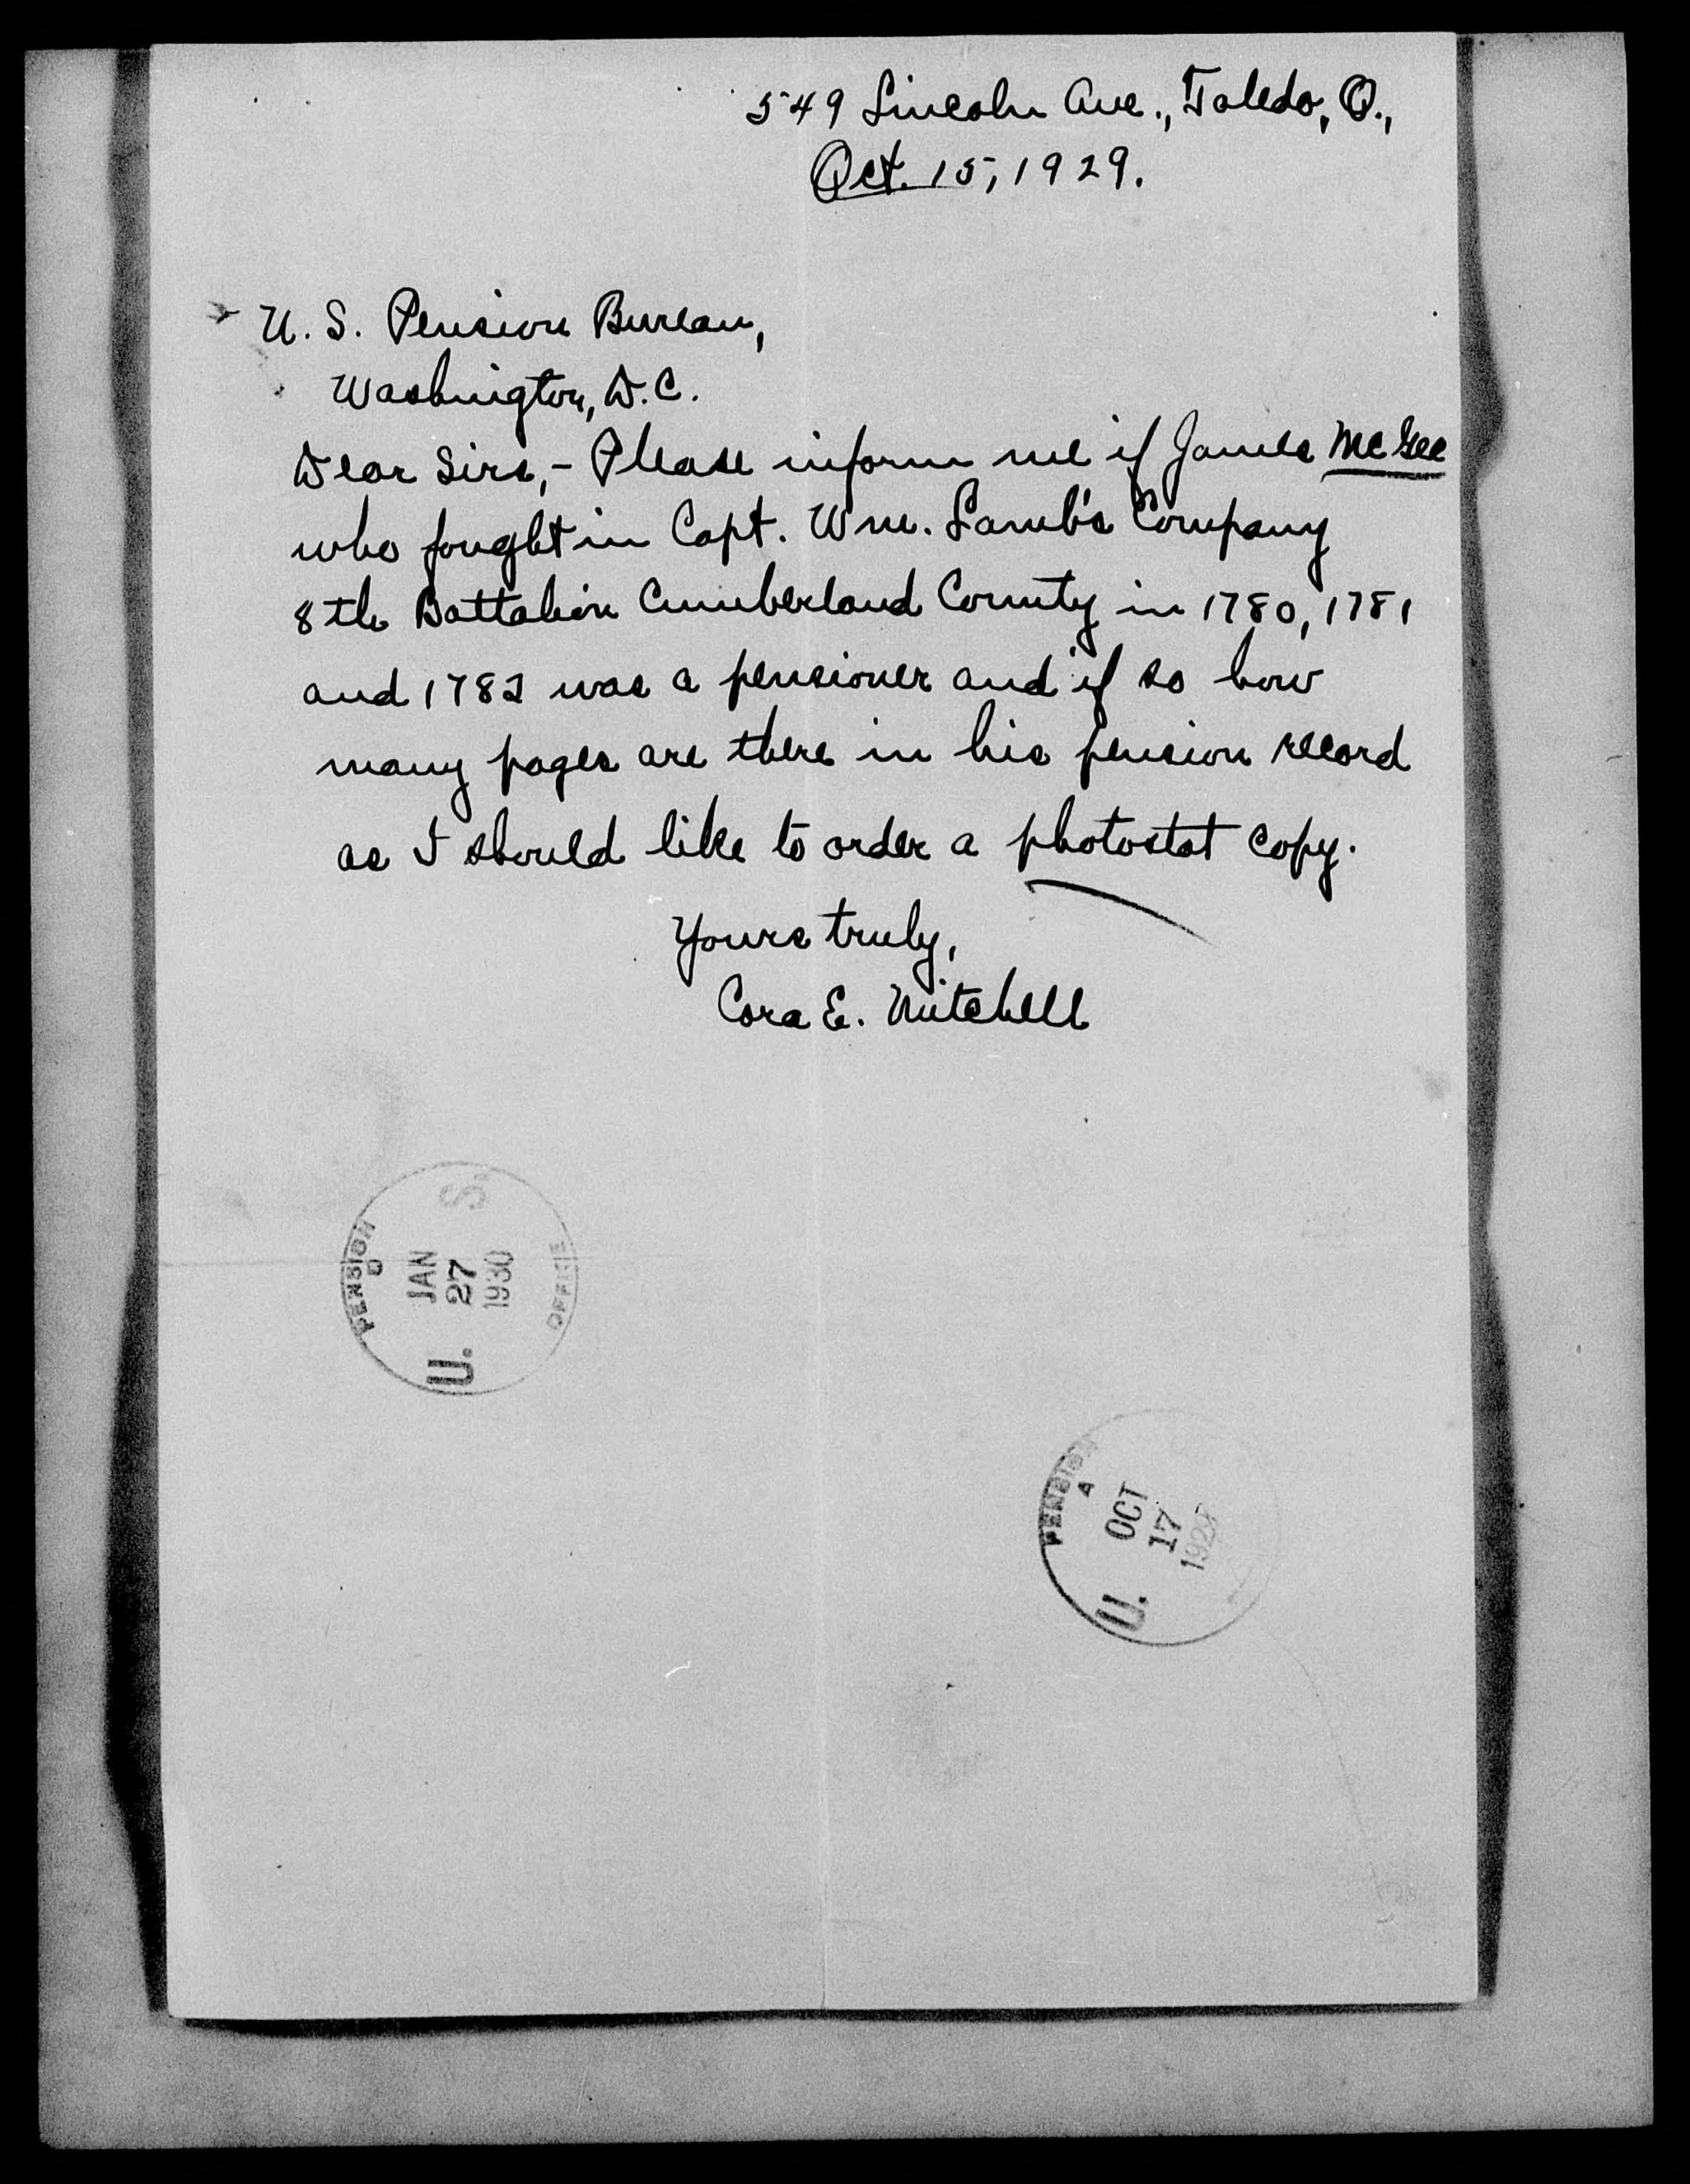549 Lincoln Ave., Toledo, O.,
Oct. 15, 1929

U.S. Pension Bureau
Washington, D.C.
Dear Sir,-- Please inform me of James McGee
who fought in Capt. Wm. Lamb's Company
8th Battalion Cumberland County in 1780, 1781
and 1782 was a pensioner and if so how
many pages are there in his pension record
as I should like to order a photostat copy.
Yours truly,
Cora E. Mitchell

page: 71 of 77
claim: widow's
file: W 2954, for James Mc Gee, Delaware